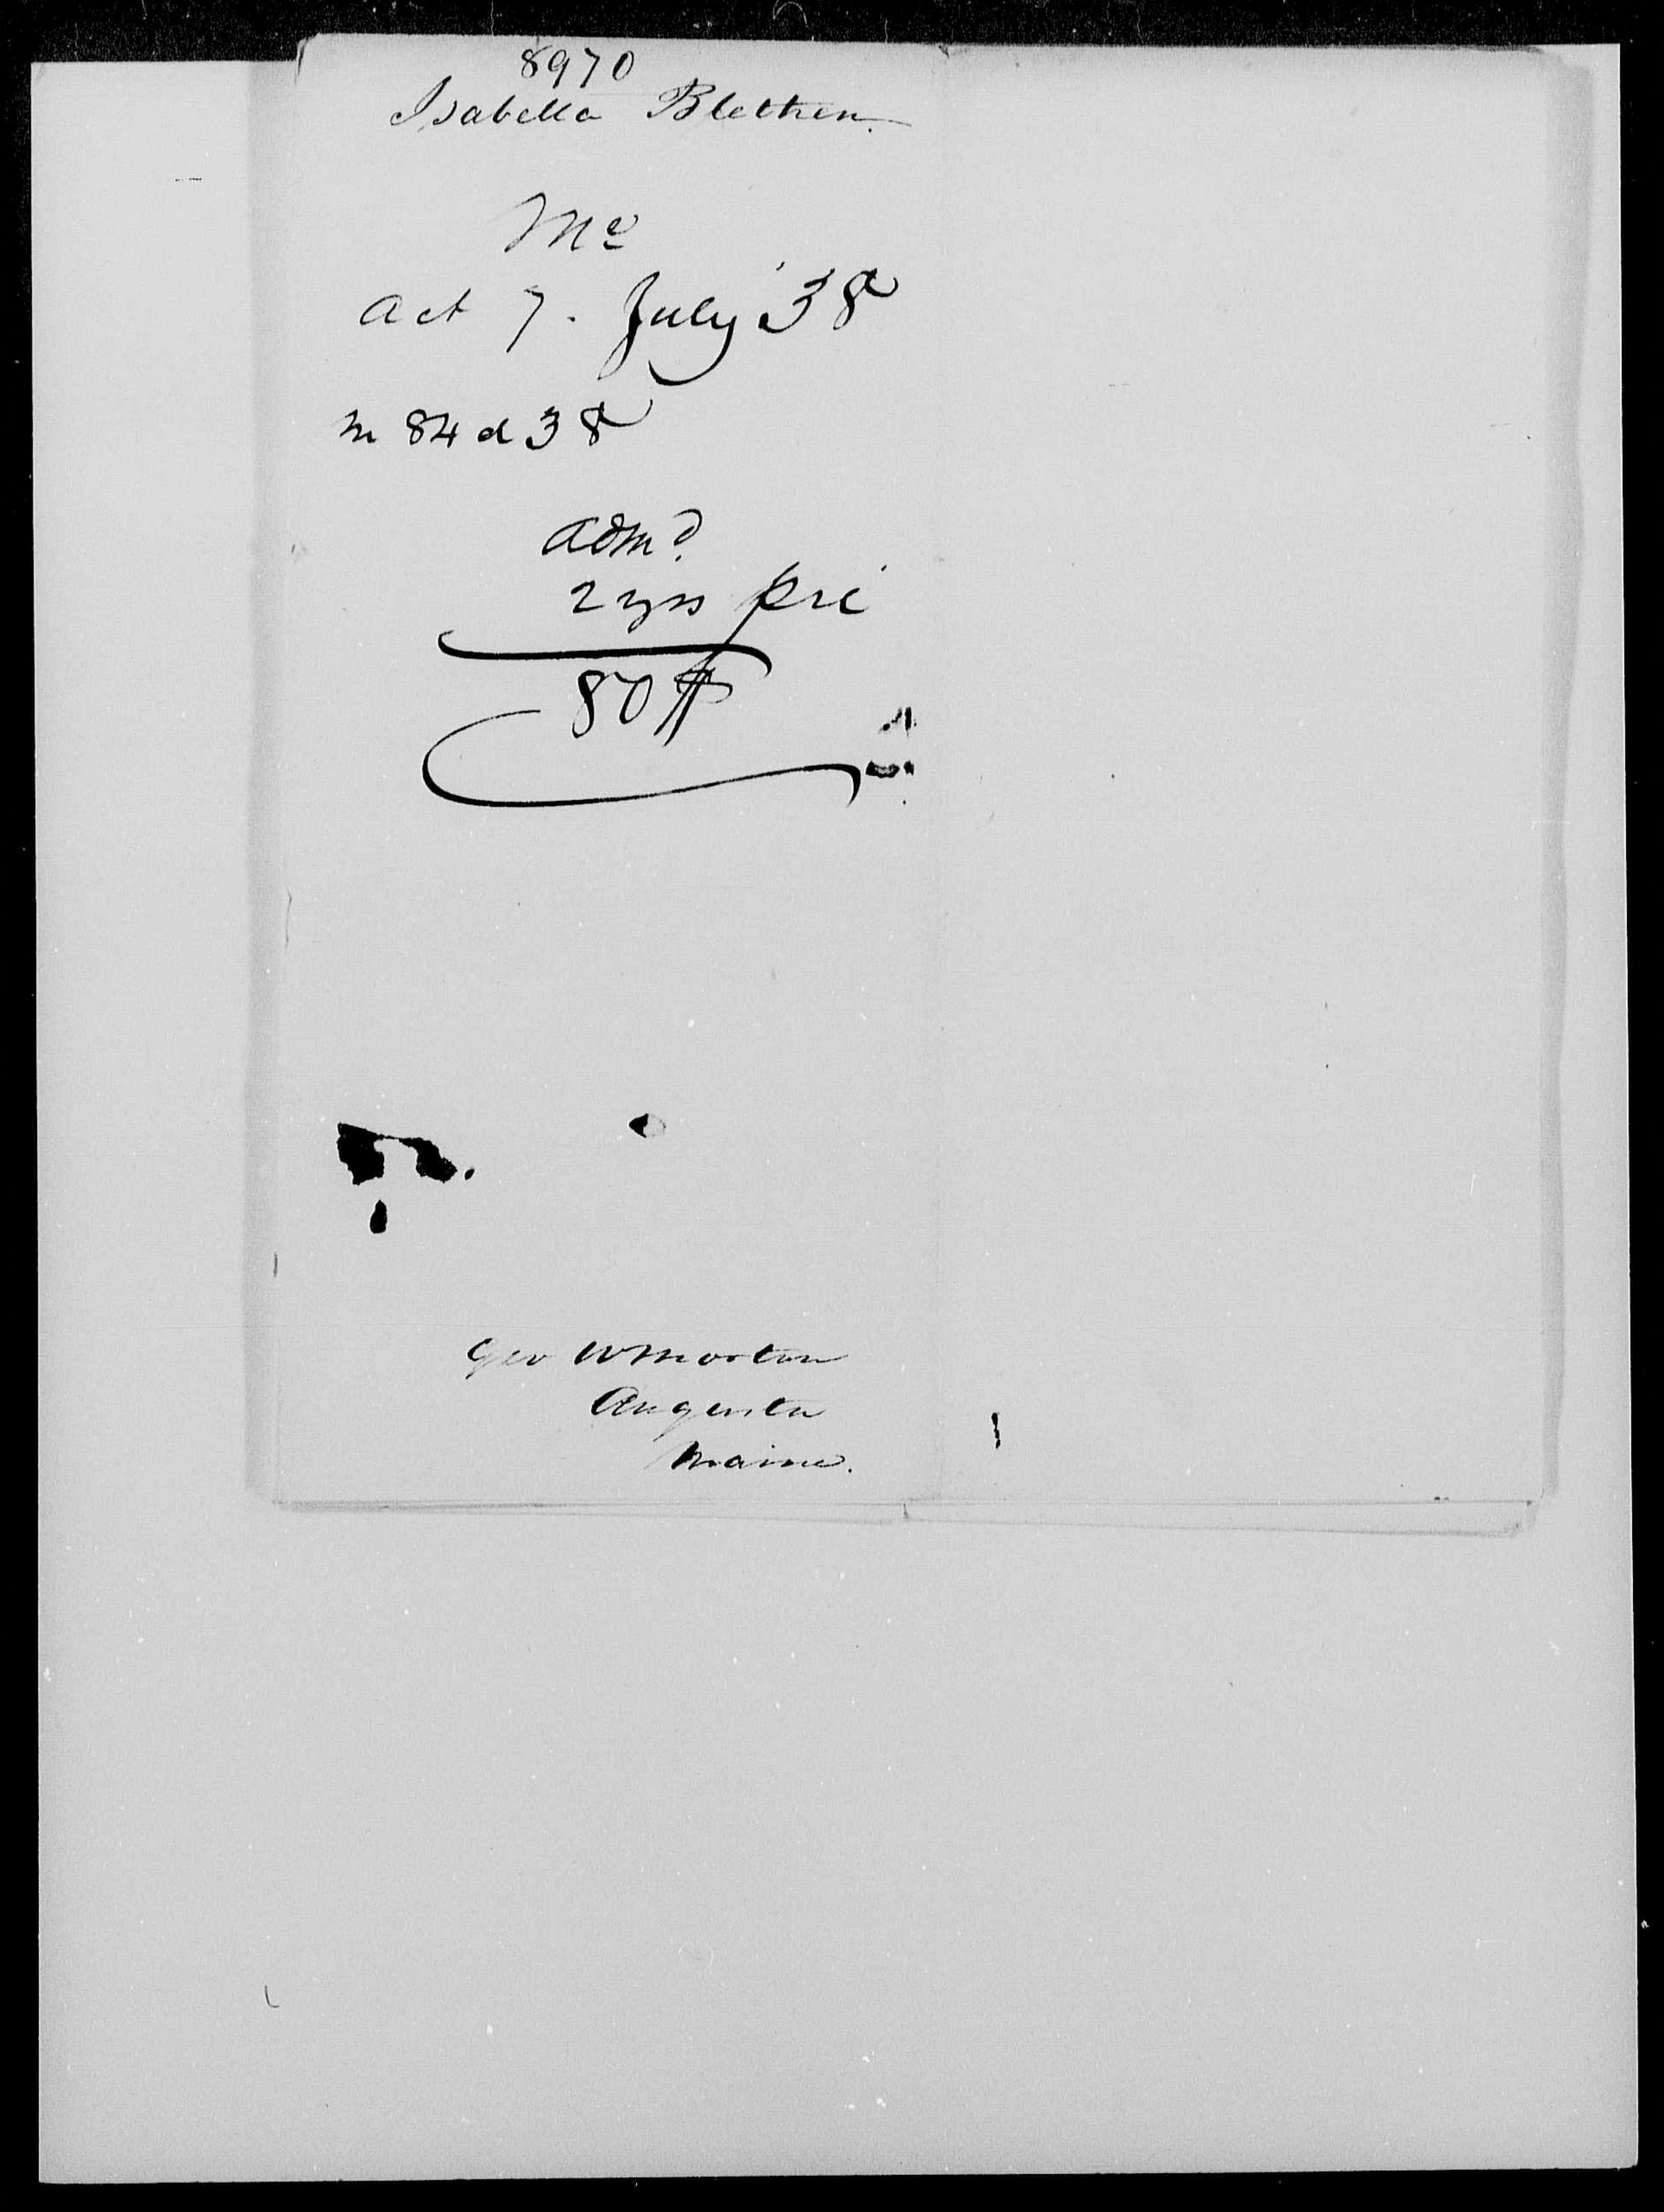8970
Isabella Blethen

Me
Act 7. July '38
m 84 d 38

adm.d
2 yrs pri
80$

Gov W Morton
Augusta
Maine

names: W Morton, Isabella Blethen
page: 28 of 39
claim: widow's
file: W. 23,621, Increase Blethen, Mass.